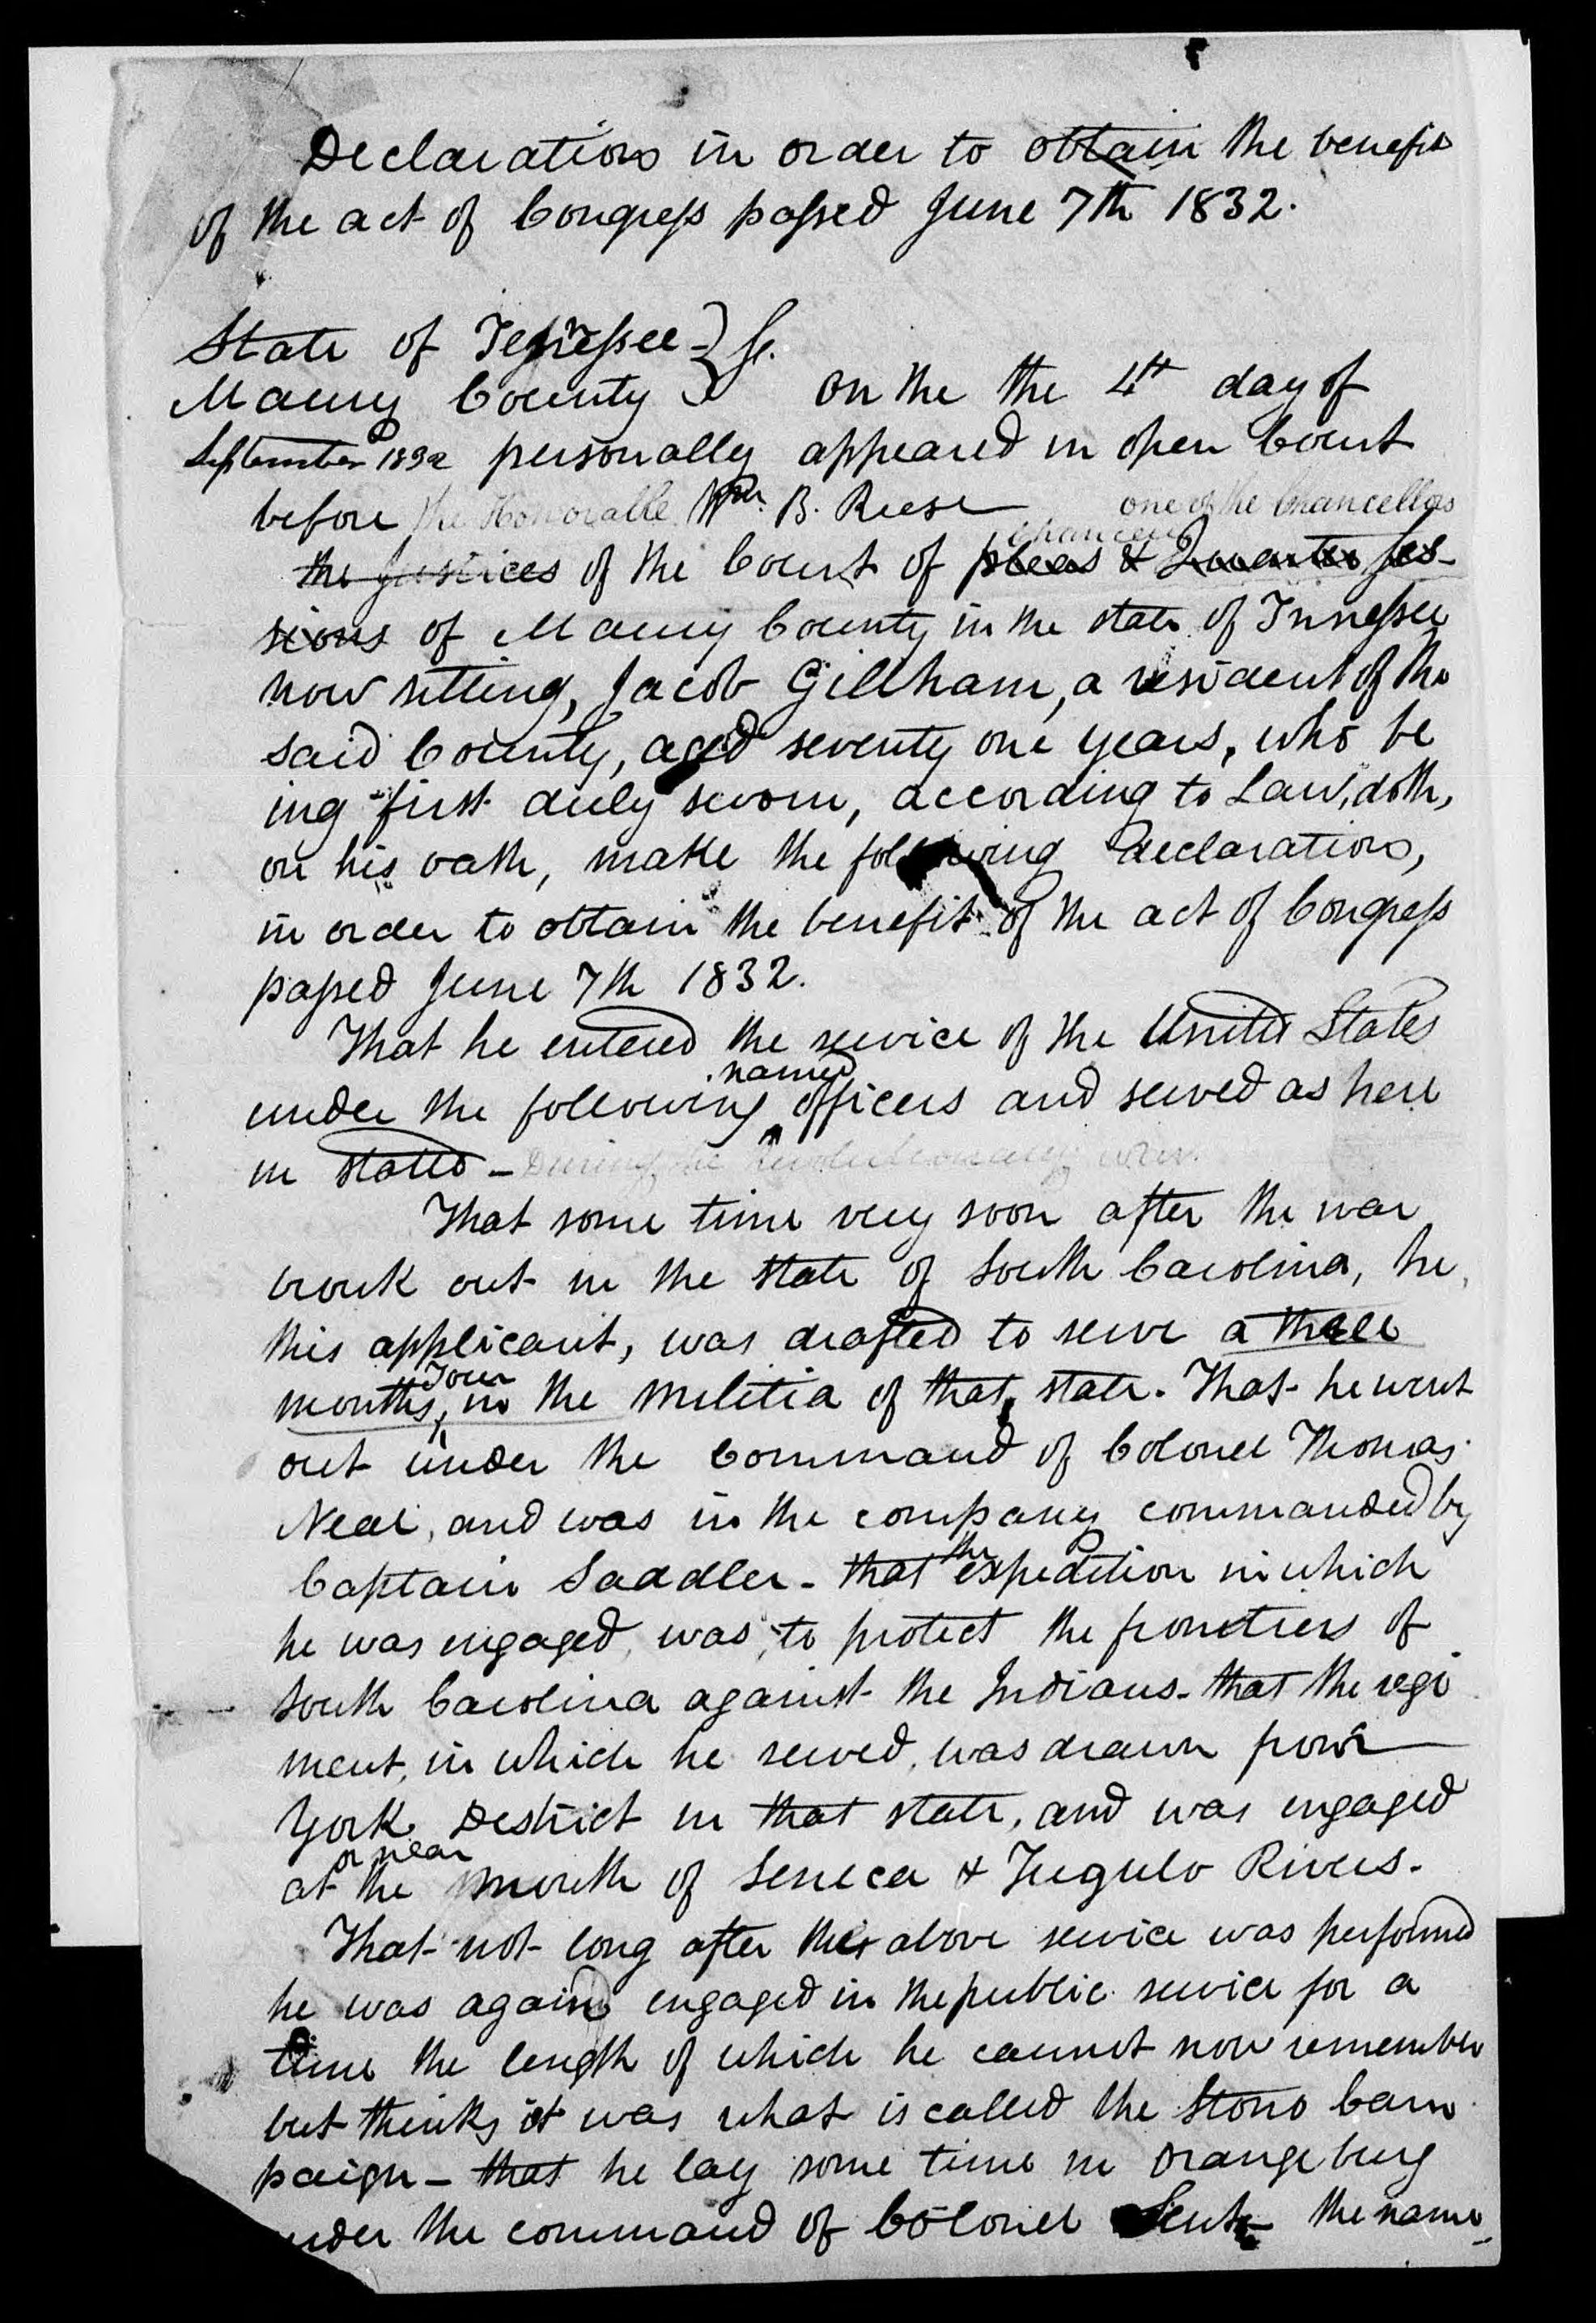Declaration in order to obtain the benefit of the act of Congress passed June 7th 1832
State of Tennessee
Maury County }} Ss on the 4th day of September 1832 personally appeared in open court before the Honorable Wm B Reese one of the Chancellors of the court of Chancell of Maury County in the state of Tennessee now sitting Jacob Gillham a resident of the said county aged seventy one years who being first duly sworn according to law doth on his oath make the following declaration in order to obtain the benefit of the act of Congress passed June 7th 1832
That he entered the service of the United States under the following named officers and served as herein stated during the Revolutionary war
That some time very soon after the war brok out in the state of South Carolina he this applicant was drafted to serve a three months tour in the militia of that state That he went out under the command of Colonel Thomas Neal and was in the company commanded by Captain Saddler that the expedition in which he was engaged was to protect the frontiers of South Carolina against the Indians that the regiment in which he served was drawn from York District in that state and was engaged at or near the mouth of Seneca & Tugulo Rivers That not long after the above service was performed he was again engaged in the public service for a time the length of which he cannot now remember but thinks it was what is called the Stono barn paign that he lay some time in Orangeburg under the command of Colonel Seus the name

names: Jacob Gillham, Saddler, Wm B Reese, Thomas Neal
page: 5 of 17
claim: survivor's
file: S 3397, Jacob Gillham, S.C.